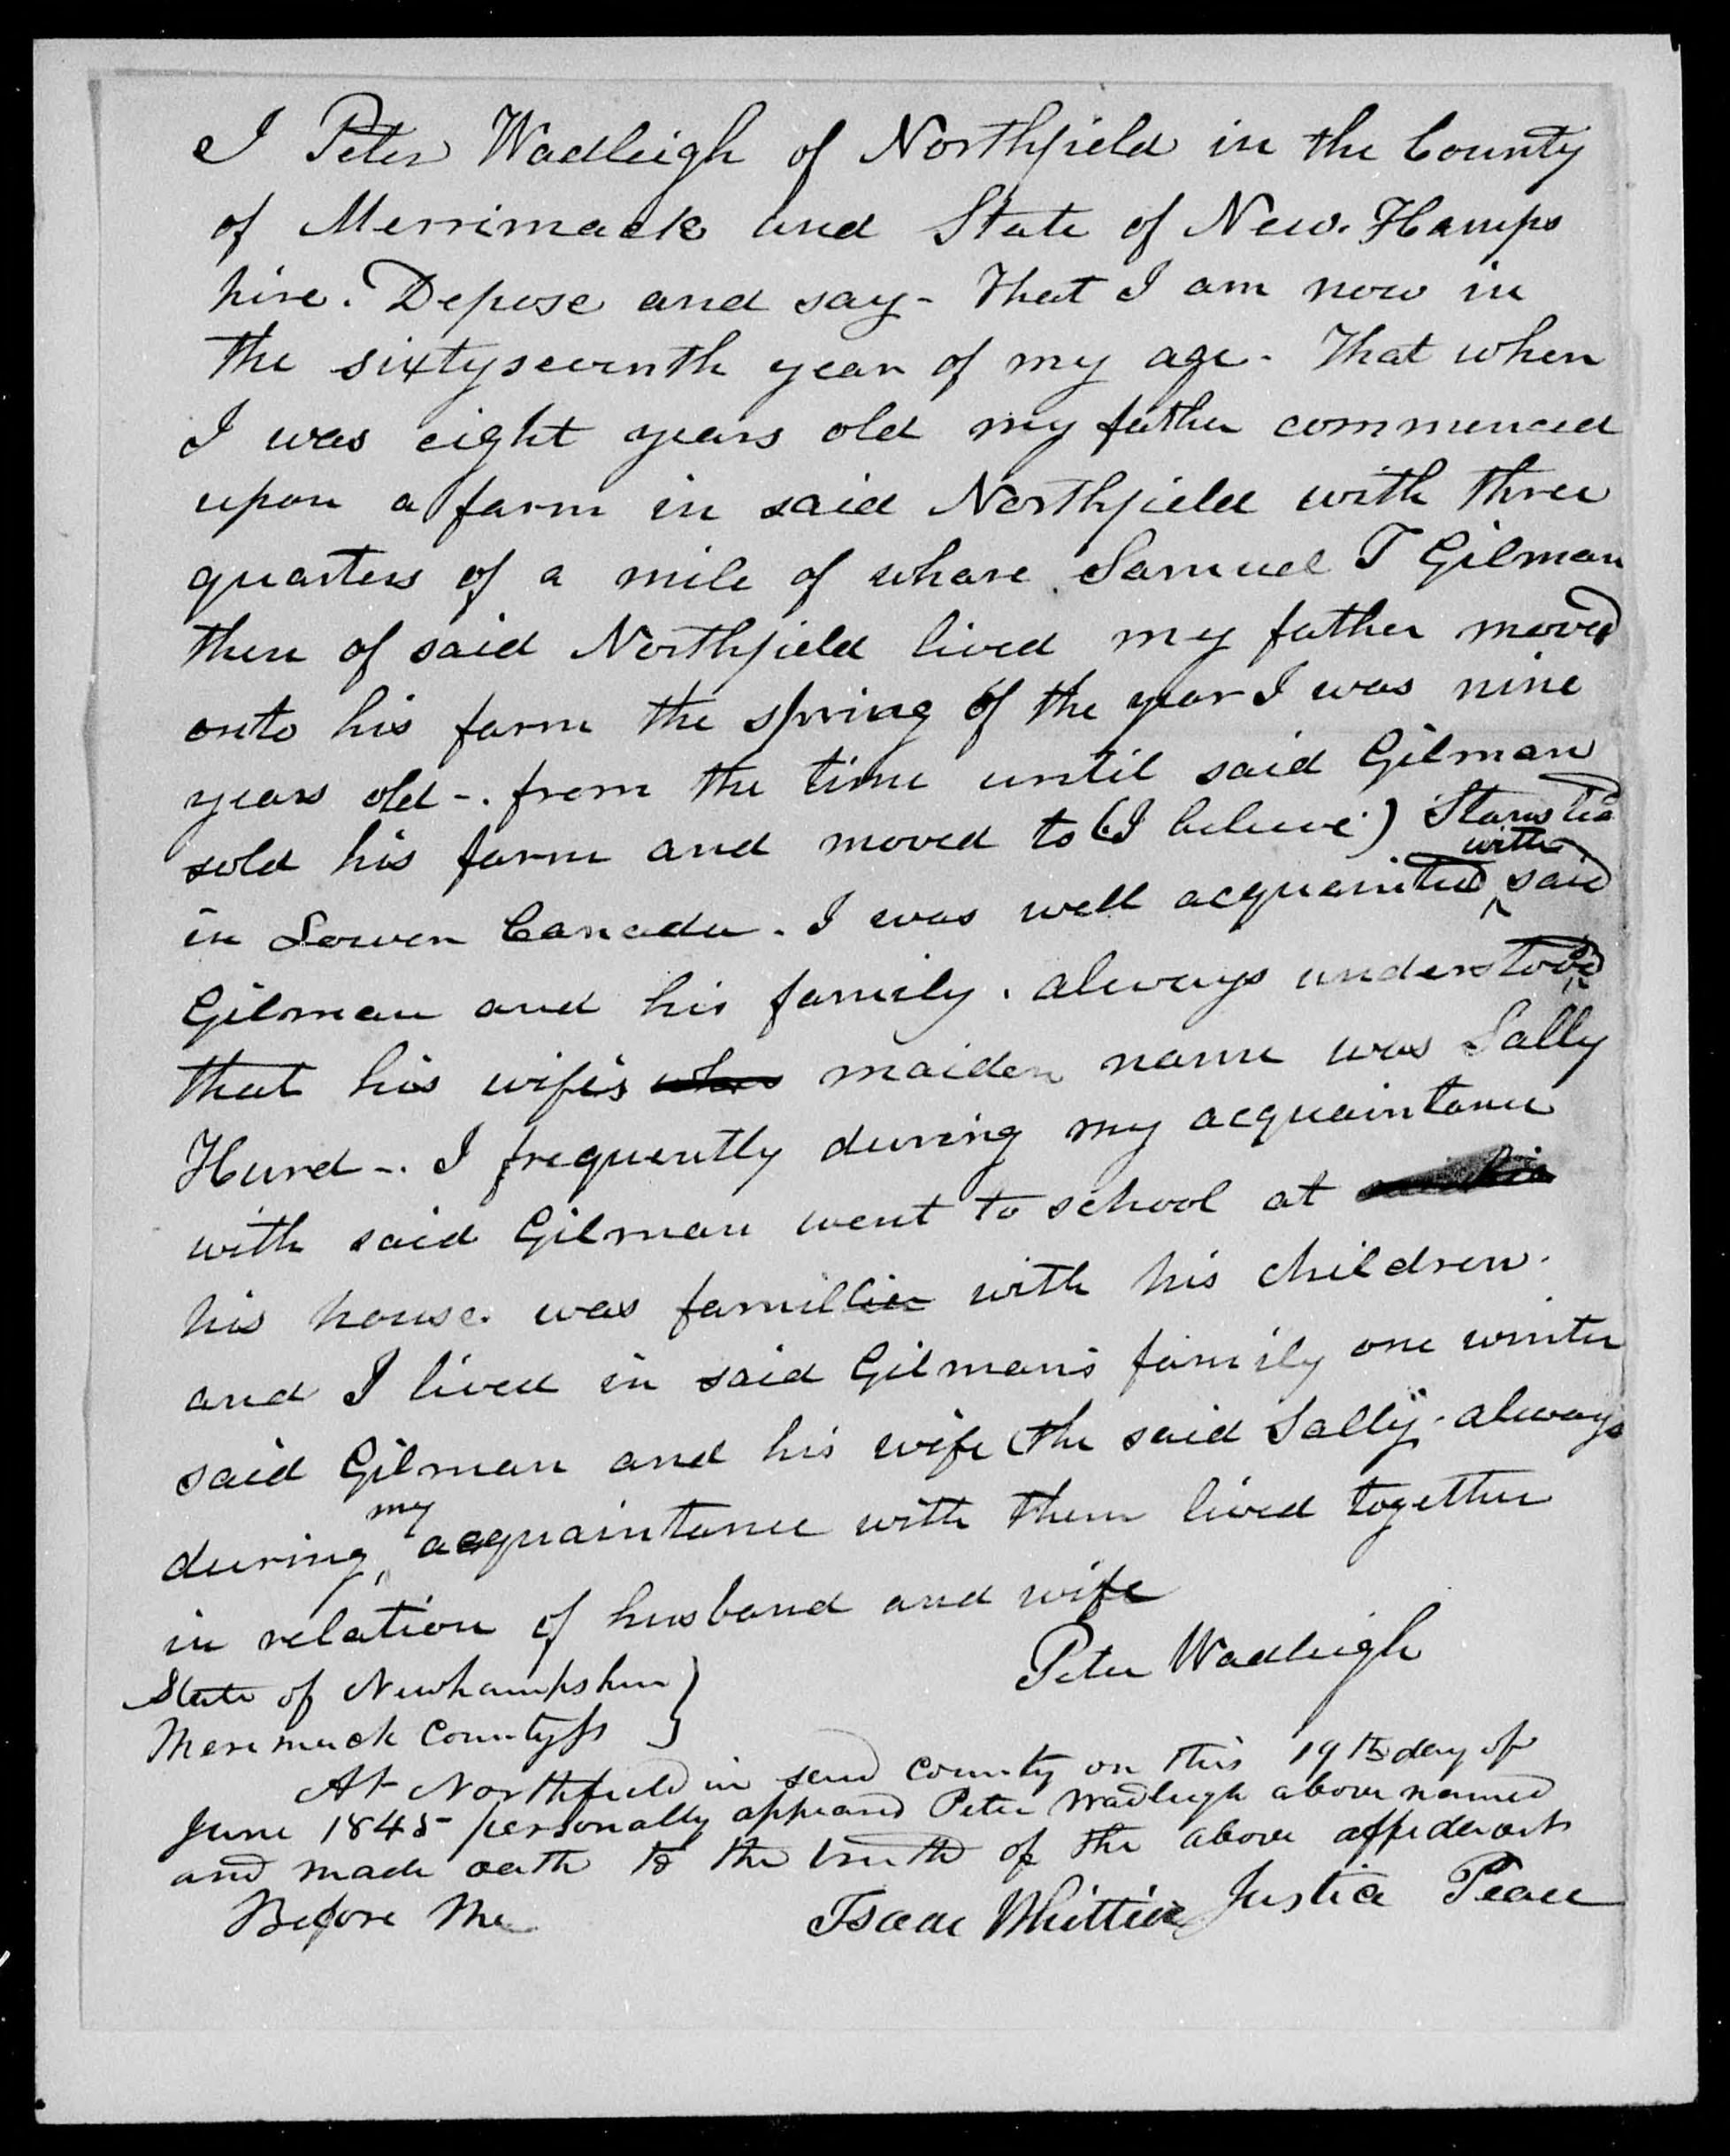I Peter Wadleigh of Northfield in the County of Merrimack and State of New Hampshire Depose and say - That I am now in the sixtyseventh year of my age. That when I was eight years old my father commenced upon a farm in said Northfield with three quarters of a mile of where Samuel T Gilman then of said Northfield lived my father moved onto his farm the spring of the year I was nine years old - from the time until said Gilman sold his farm and moved to (I believe) Stanstead in Lower Canada. I was well acquainted with said Gilm and his family, always understood that his wife's maiden name was Sally Hurd - I frequently during my acquaintance with said Gilman went to school at his house was familiar with his children and I lived in said Gilmans family one winter said Gilman and his wife the said "Sally" always during my acquaintance with them lived together in relation of husband and wife
Peter Wadleigh
State of New Hampshire
Merrimack County ss}
At Northfield in said county on this 19th day of June 1845 personally appeared Peter Wadleigh above named and made oath to the truth of the above affidavit
Before me
Isaac Whittier Justice Peace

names: Gilman, Peter Wadleigh, Gilman, Peter Wadleigh, Gilman, Samuel T Gilman, Sally, Gilman, Gilman, Peter Wadleigh, Isaac Whittier, Sally Hurd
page: 14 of 61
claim: widow's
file: W. 19500, Samuel Thing Gilman, Continental N.H.